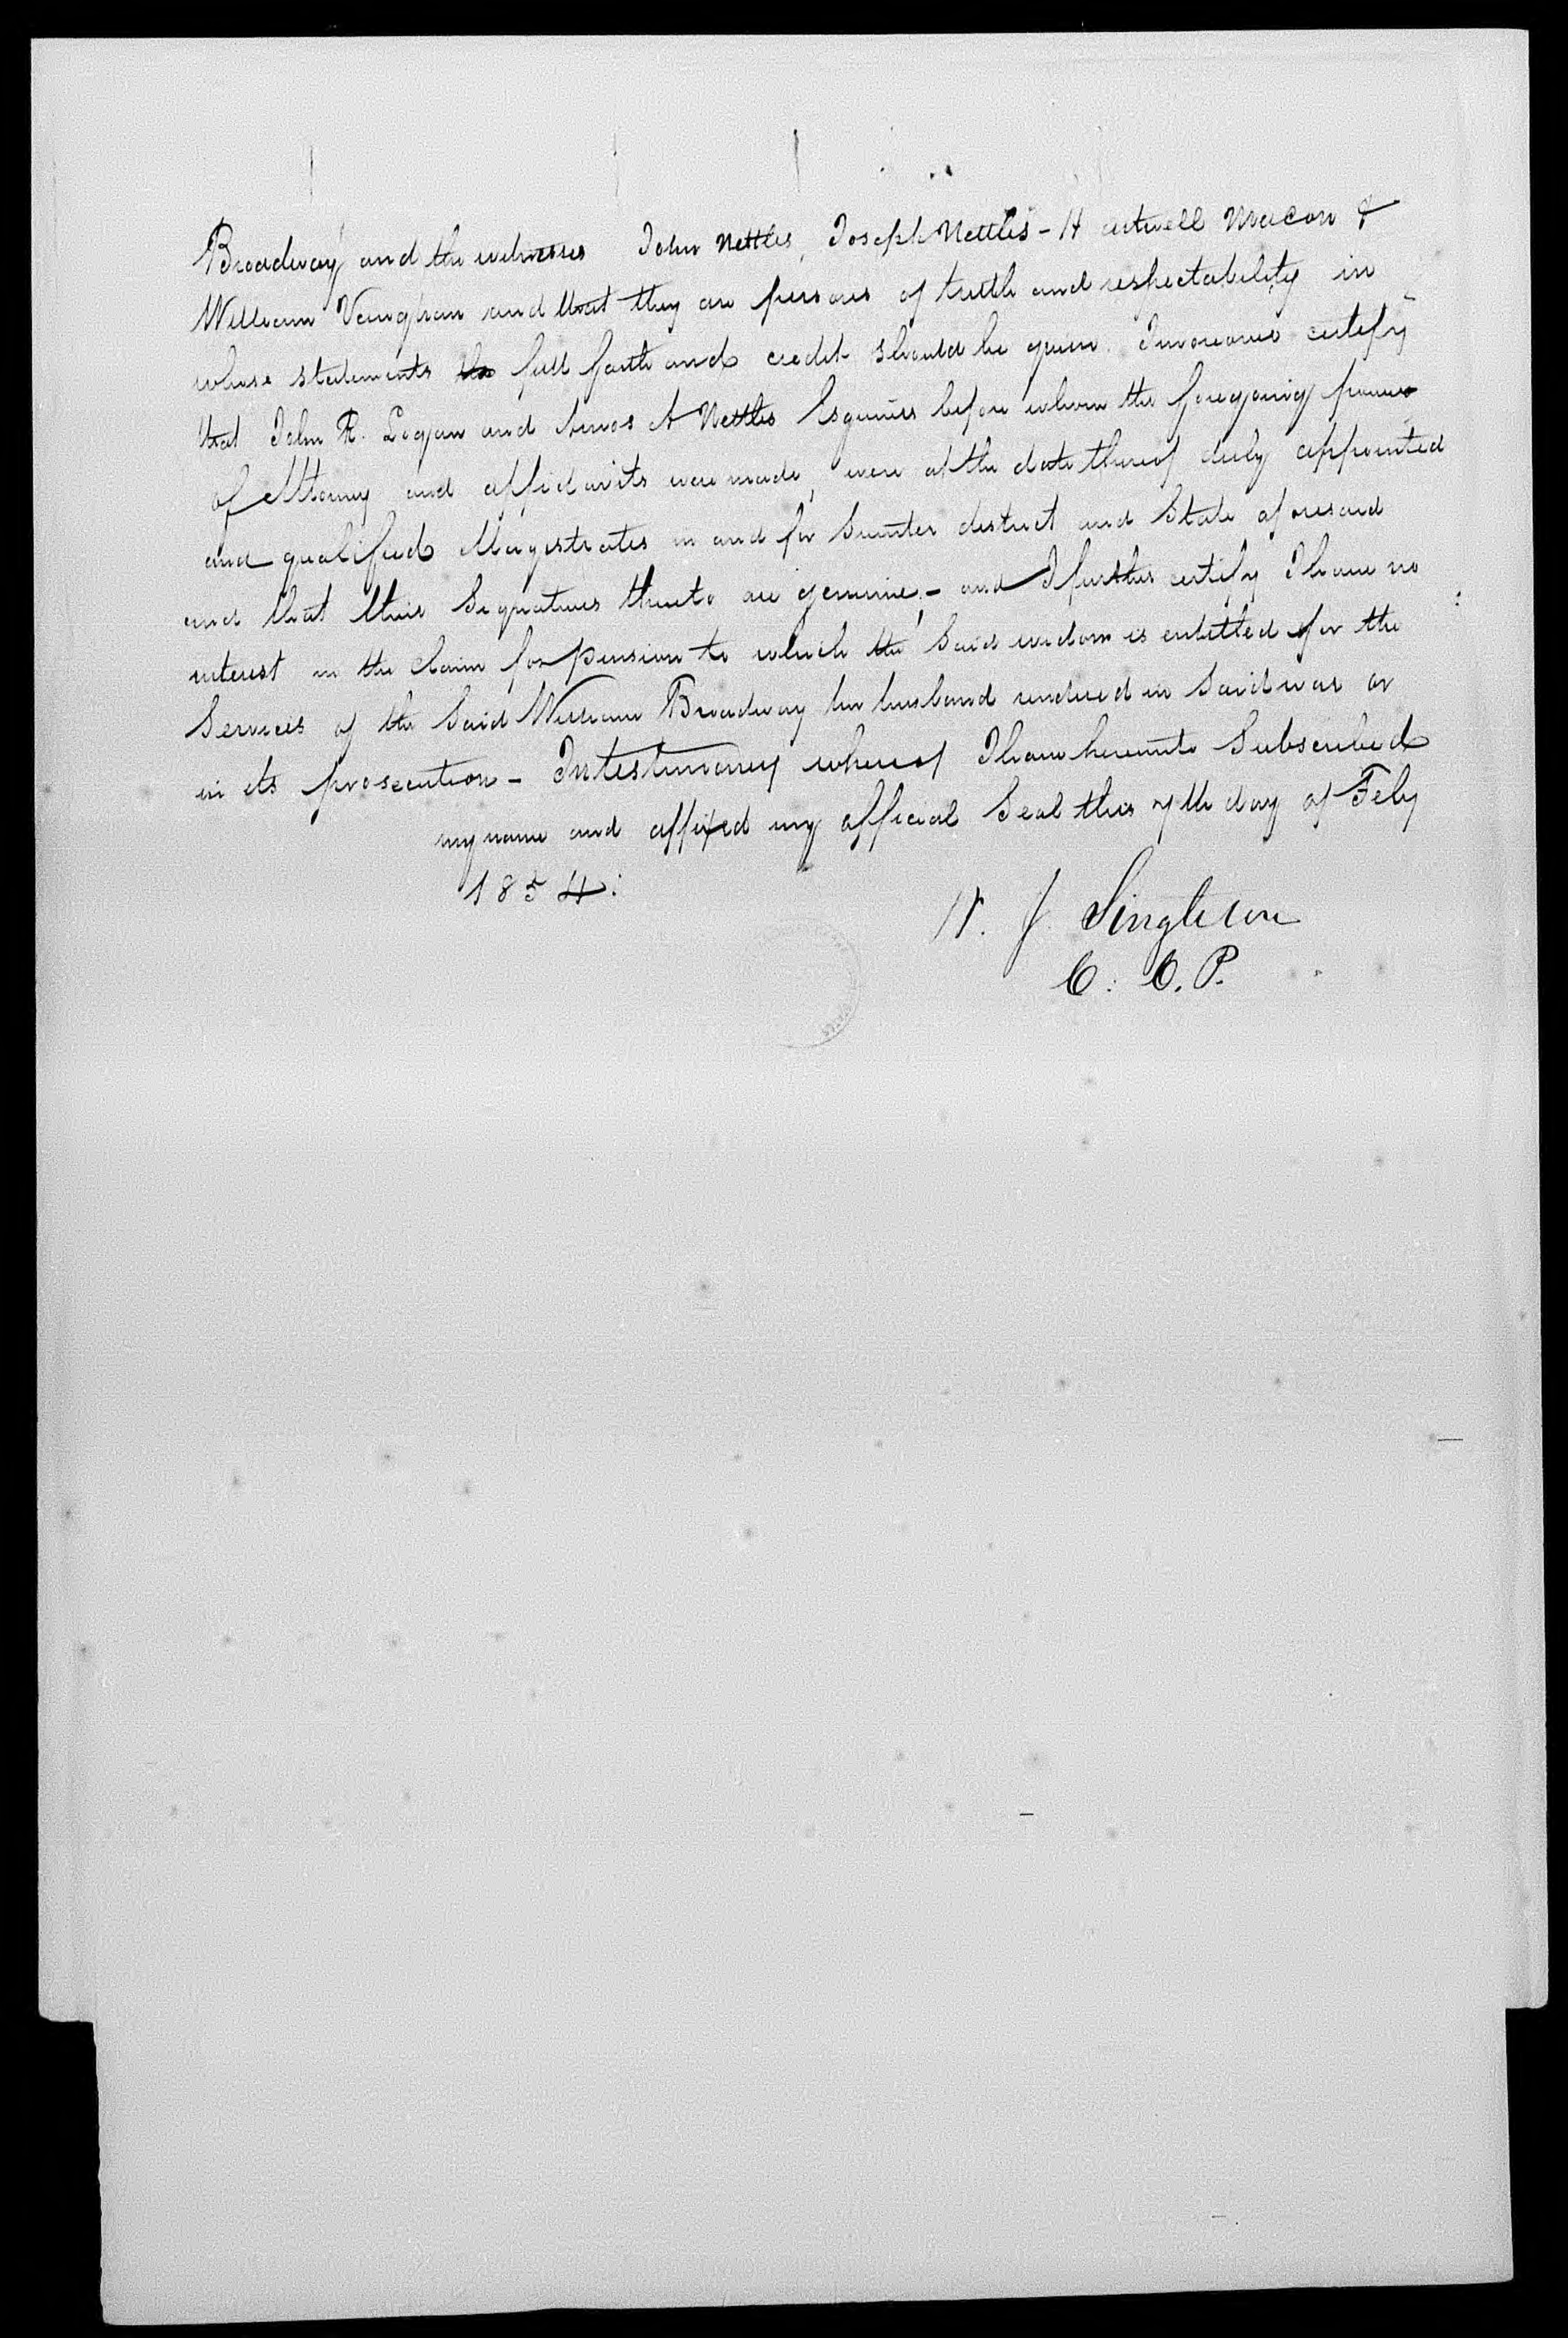Broadway and the witnesses John Nettles, Joseph Nettles - Hartwell Mason + William Vaughan and that they are persons of truth and respectability in whose statements full faith and credit should be given. I moreover certify that John R Logan and Amos A Nettles Esquires before whom the foregoing power of Attorney and affidavits were made were at the date thereof duly appointed and qualified Magistrates in and for Sumter district and State aforesaid and that their Signatures thereto are genuine - and I further certify I have no interest in the claim for pension to which the Said widow is entitled for the Services of the Said William Broadway her husband rendered in Said war as in it prosecution - In testimony whereof I have hereunto Subscribed my name and affixed my official Seal this 7th day of Feby 1854
W J Singleton
C.C.P.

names: William Broadway, John Nettles, J Nettles, W J Singleton, Hartwell Mason, Joseph Nettles, John R Logan, William Vaughan, Broadway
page: 98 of 98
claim: widow's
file: W. 8398, William Broadway, S.C.